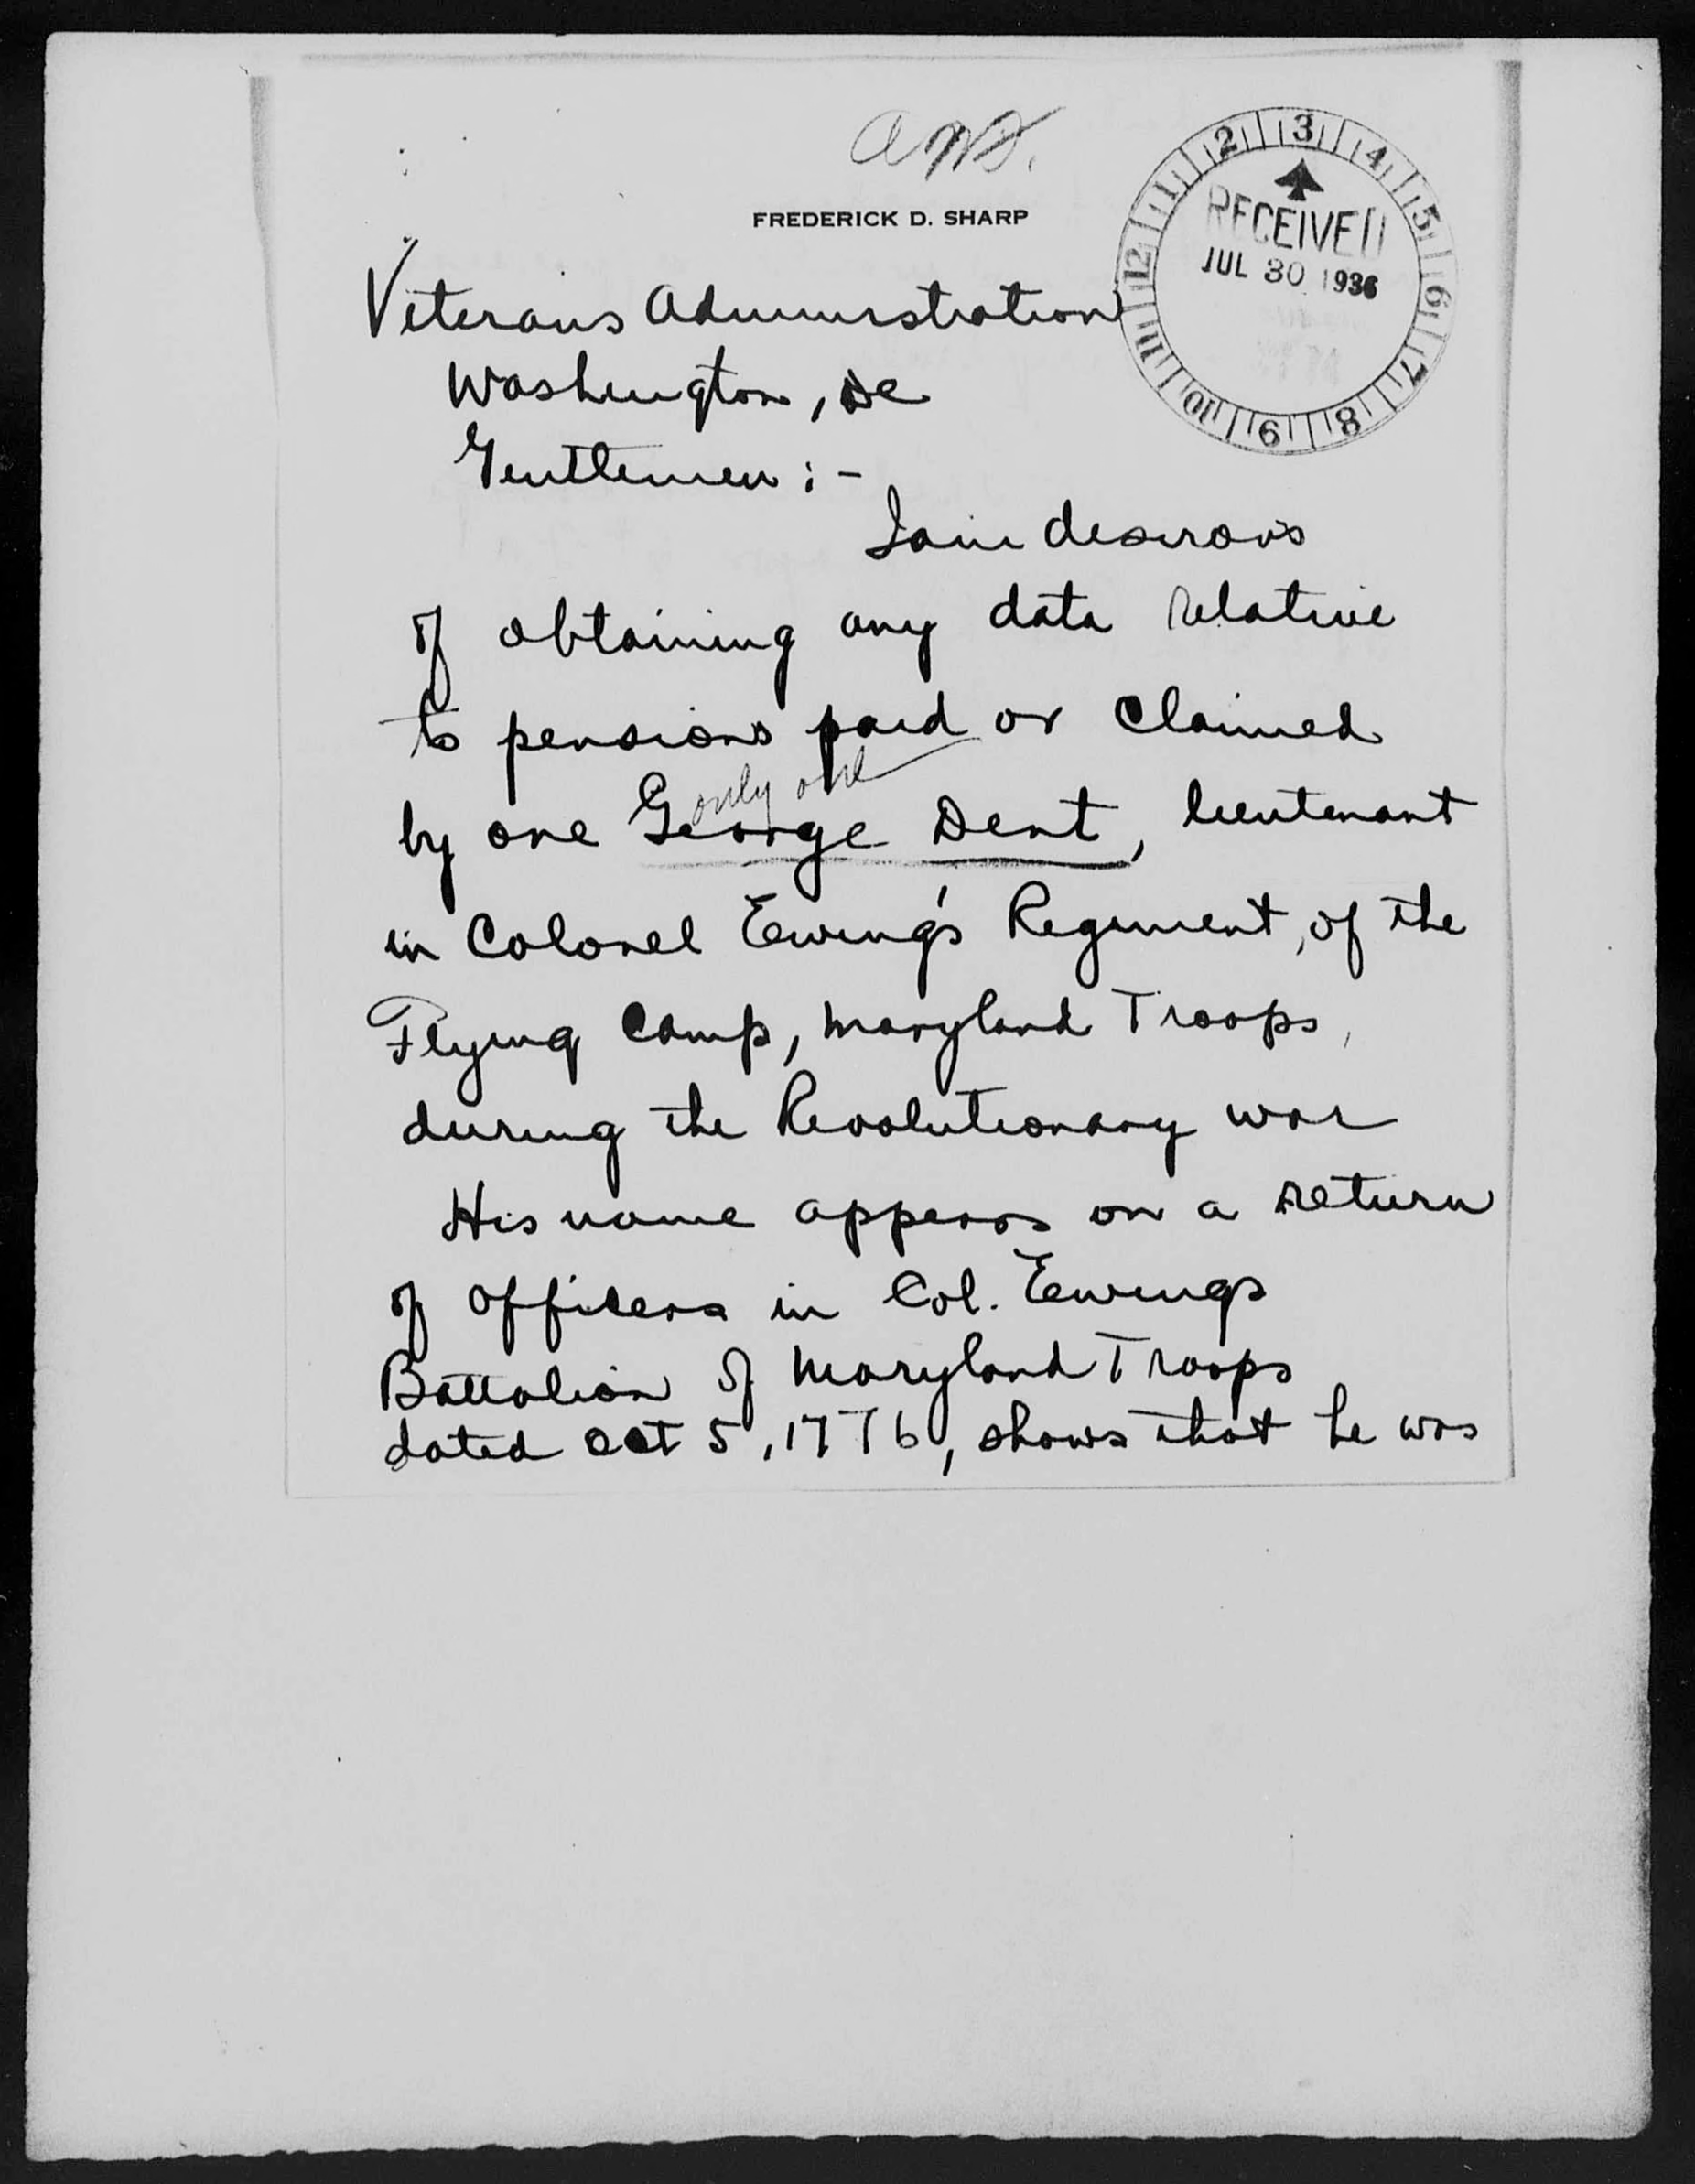Frederick D. Sharp
Veterans Administration 
Washington, DC
Gentlemen: -
I am desirous of obtaining any data relative to pensions paid or claimed by one George Dent, lieutenant in Colonel Ewing's Regiment of the Flying Corps, Maryland Troops, during the Revolutionary War. His name appears on a return of officers in Col. Ewing's Battalion of Maryland Troops dated October 5, 1776 shows that he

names: George Dent, Ewings, Frederick D Sharp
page: 25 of 49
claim: survivor's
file: S. 12755, George Dent, Md.